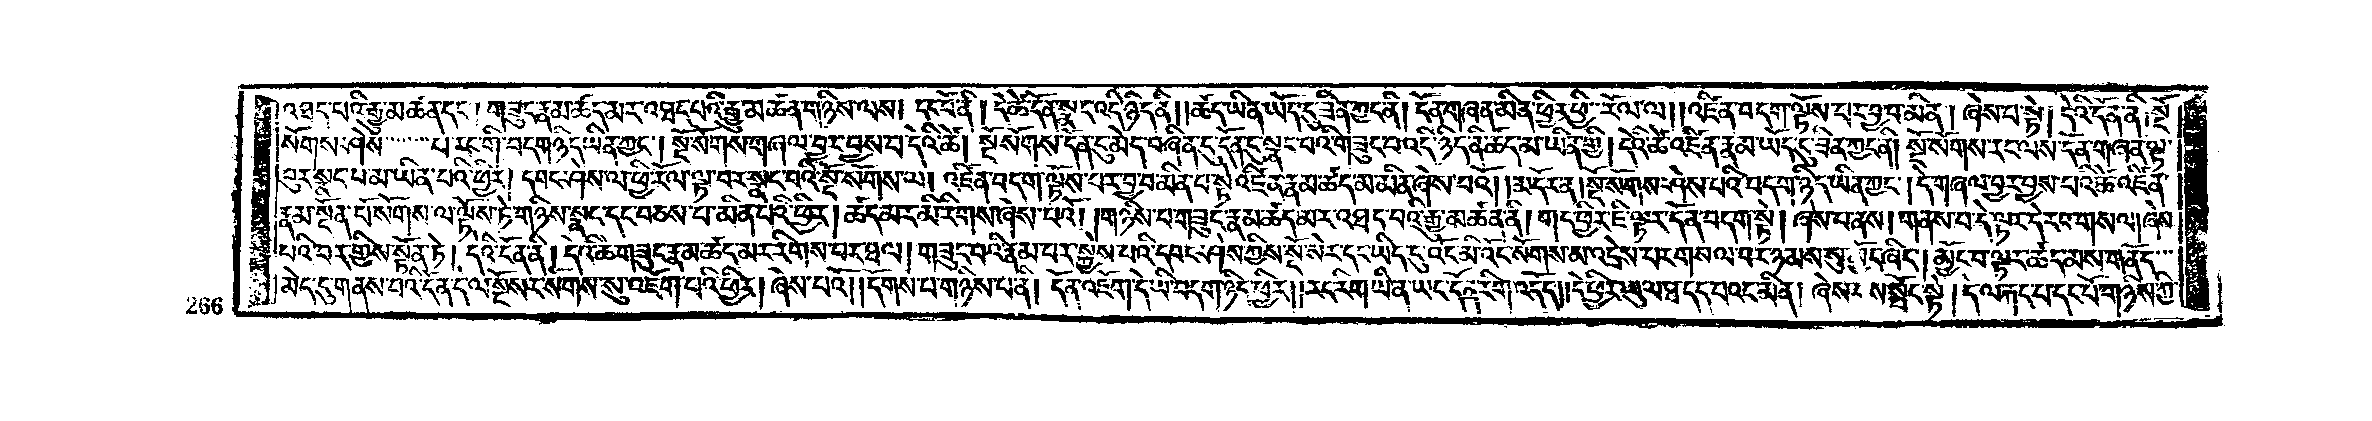འཐད་པའི་རྒྱུ་མཚན་དང་། གཟུང་རྣམ་ཚད་མར་འཐད་པའི་རྒྱུ་མཚན་གཉིས་ལས། དང་པོ་ནི། དེ་ཚེ་དོན་སྣང་འདི་ཉིད་ནི། །ཚད་ཡིན་ཡོད་དུ་ཟིན་ཀྱང་ནི། དོན་གཞན་མིན་ཕྱིར་ཕྱིར་རོལ་ལ། །འཛིན་བདག་ལྟོས་པར་བྱ་བ་མིན། ཞེས་པ་སྟེ། དེའི་དོན་ནི། སྔོ་
སོགས་ཤེས་པ་རང་གི་བདག་ཉིད་ཡིན་ཀྱང་། སྔོ་སོགས་གཞལ་བྱར་བྱས་པ་དེའི་ཚེ། སྔོ་སོགས་དོན་དུ་མེད་བཞིན་དུ་དོན་དུ་སྣང་བའི་གཟུང་བ་འདི་ཉིད་ནི་ཚད་མ་ཡིན་གྱི། དེའི་ཚེ་འཛིན་རྣམ་ཡོད་དུ་ཟིན་ཀྱང་ནི། སྔོ་སོགས་རང་ལས་དོན་གཞན་ལྟ་
བུར་སྣང་བ་མ་ཡིན་པའི་ཕྱིར། དབང་ཤེས་ལ་ཕྱི་རོལ་ལྟ་བར་སྣང་བའི་སྔོ་སོགས་ལ། འཛིན་བདག་ལྟོས་པར་བྱ་བ་མིན་པ་སྟེ་འཛིན་རྣམ་ཚད་མ་མིན་ཞེས་པའོ། །མདོར་ན། སྔོ་སོགས་ཤེས་པའི་བདག་ཉིད་ཡིན་ཀྱང་། དེ་གཞལ་བྱར་བྱས་པའི་ཚེ་འཛིན་
རྣམ་སྔོན་པོ་སོགས་ལ་ལྟོས་ཏེ་གཉིས་སྣང་དང་བཅས་པ་མིན་པའི་ཕྱིར། ཚད་མར་མི་རིགས་ཞེས་པའོ། །གཉིས་པ་གཟུང་རྣམ་ཚད་མར་འཐད་པའི་རྒྱུ་མཚན་ནི། གང་ཕྱིར་ཇི་ལྟར་དོན་བདག་སྟེ། ཞེས་པ་ནས། གནས་པ་དེ་ལྟར་དེ་རབ་གསལ། ཞེས་
པའི་པར་གྱིས་སྟོན་ཏེ། དེའི་དོན་ནི། དེའི་ཚེ་གཟུང་རྣམ་ཚད་མར་རིགས་པར་ཐལ། གཟུང་བའི་རྣམ་པར་སྐྱེས་པའི་དབང་ཤེས་ཀྱིས་སྔོ་སེར་དང་ཡིད་དུ་འོང་མི་འོང་སོགས་མ་འདྲེས་པར་གསལ་བར་ཉམས་སུ་མྱོང་ཞིང་། མྱོང་བ་ལྟར་ཚད་མས་གནོད་
མེད་དུ་གནས་པའི་དོན་དེ་ལ་སྔོ་སེར་སོགས་སུ་འཇོག་པའི་ཕྱིར། ཞེས་པའོ། །དོགས་པ་གཉིས་པ་ནི། དོན་འཇོག་དེ་ཡི་བདག་ཉིད་ཕྱིར། །རང་རིག་ཡིན་ཡང་དོན་རིག་འདོད། །དེ་ཕྱིར་ཡུལ་ཐ་དད་པའང་མིན། ཞེས་པས་སྤོང་སྟེ། དེ་ལ་རྐང་པ་དང་པོ་གཉིས་ཀྱི་